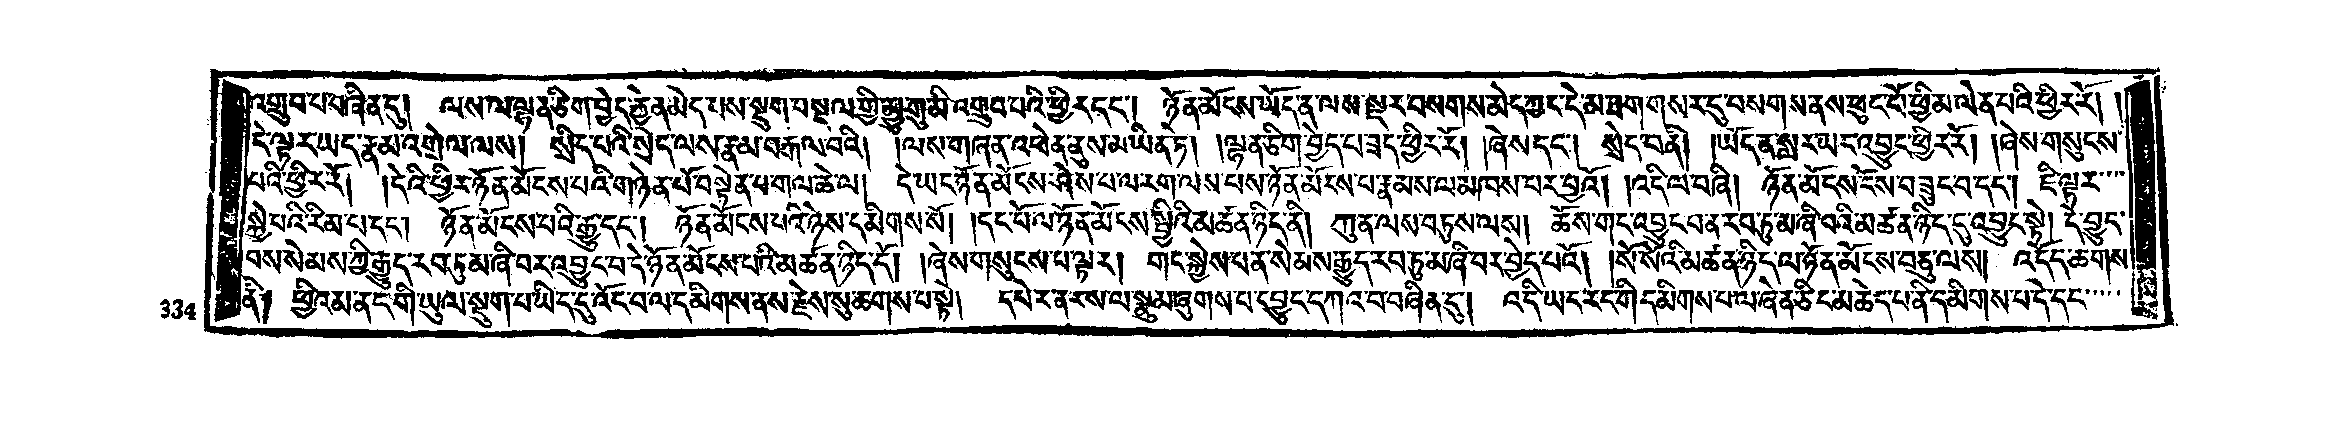འགྲུབ་པ་བཞིན་དུ། ལས་ལ་ལྷན་ཅིག་བྱེད་རྐྱེན་མེད་པས་སྡུག་བསྔལ་གྱི་མྱུ་གུ་མི་འགྲུབ་པའི་ཕྱིར་དང་། ཉོན་མོངས་ཡོད་ན་ལས་སྔར་བསགས་མེད་ཀྱང་དེ་མ་ཐག་གསར་དུ་བསགས་ནས་ཕུང་པོ་ཕྱི་མ་ལེན་པའི་ཕྱིར་རོ། །
དེ་ལྟར་ཡང་རྣམ་འགྲེལ་ལས། སྲིད་པའི་སྲེད་ལས་རྣམ་བརྒལ་བའི། །ལས་གཞན་འཕེན་ནུས་མ་ཡིན་ཏེ། །ལྷན་ཅིག་བྱེད་པ་ཟད་ཕྱིར་རོ། །ཞེས་དང་། སྲེད་པ་ནི། །ཡོད་ན་སླར་ཡང་འབྱུང་ཕྱིར་རོ། །ཞེས་གསུངས་
པའི་ཕྱིར་རོ། །དེའི་ཕྱིར་ཉོན་མོངས་པའི་གཉེན་པོ་བསྟེན་པ་གལ་ཆེ་ལ། དེ་ཡང་ཉོན་མོངས་ཤེས་པ་ལ་རག་ལས་པས་ཉོན་མོངས་པ་རྣམས་ལ་མཁས་པར་བྱའོ། །འདི་ལ་བཞི། ཉོན་མོངས་ངོས་བཟུང་བ་དང་། ཇི་ལྟར་
སྐྱེ་བའི་རིམ་པ་དང་། ཉོན་མོངས་པའི་རྒྱུ་དང་། ཉོན་མོངས་པའི་ཉེས་དམིགས་སོ། །དང་པོ་ལ་ཉོན་མོངས་སྤྱིའི་མཚན་ཉིད་ནི། ཀུན་ལས་བཏུས་ལས། ཆོས་གང་འབྱུང་བ་ན་རབ་ཏུ་མ་ཞི་བའི་མཚན་ཉིད་དུ་འབྱུང་སྟེ། དེ་བྱུང་
བས་སེམས་ཀྱི་རྒྱུད་རབ་ཏུ་མ་ཞི་བར་འབྱུང་བ་དེ་ཉོན་མོངས་པའི་མཚན་ཉིད་དོ། །ཞེས་གསུངས་པ་ལྟར། གང་སྐྱེས་པ་ན་སེམས་རྒྱུད་རབ་ཏུ་མ་ཞི་བར་བྱེད་པའོ། །སོ་སོའི་མཚན་ཉིད་ལ་ཉོན་མོངས་བཅུ་ལས། འདོད་ཆགས་
ནི༑ ཕྱིའམ་ནང་གི་ཡུལ་སྡུག་པ་ཡིད་དུ་འོང་བ་ལ་དམིགས་ནས་རྗེས་སུ་ཆགས་པ་སྟེ། དཔེར་ན་རས་ལ་སྣུམ་ཞུགས་པ་དབྱུང་དཀའ་བ་བཞིན་དུ། འདི་ཡང་རང་གི་དམིགས་པ་ལ་ཞེན་ཅིང་མཆེད་པ་ནི་དམིགས་པ་དེ་དང་